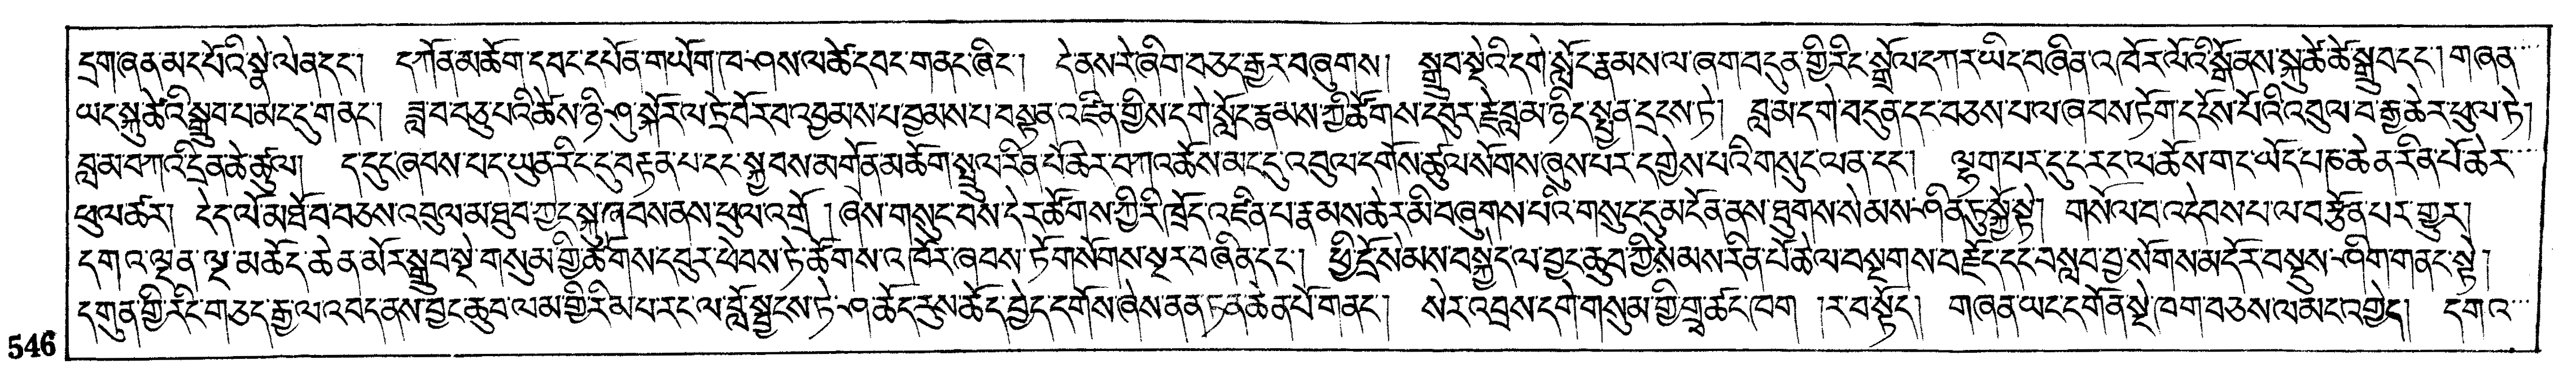དྲག་ཞན་མང་པོའི་སྣེ་ལེན་དང་། དཀོན་མཆོག་དབང་དཔོན་གཡོག་ཁ་ཤས་ལ་ཚེ་དབང་གནང་ཞིང་། དེ་ནས་རེ་ཞིག་བཅང་རྒྱར་བཞུགས། སྒྲུབ་སྡེའི་དགེ་སློང་རྣམས་ལ་ཞག་བདུན་གྱི་རིང་སྒྲོལ་དཀར་ཡིད་བཞིན་འཁོར་ལོའི་སྒོ་ནས་སྐུ་ཚེ་ཚེ་སྒྲུབ་དང་། གཞན་
ཡང་སྐུ་ཆོའི་སྒྲུབ་པ་མང་དུ་གནང་། ཟླ་བ་བཅུ་པའི་ཚེས་ཉི་ཤུ་སྐོར་ལ་ཏྲེ་བོ་རབ་འབྱམས་པ་བྱམས་པ་བསྟན་འཛིན་གྱིས་དགེ་སློང་རྣམས་ཀྱི་ཚོགས་དབུར་རྗེ་བླ་མ་ཉིད་སྤྱན་དྲངས་ཏེ། བླ་མ་དགེ་འདུན་དང་བཅས་པ་ལ་ཞབས་ཏོག་དངོས་པོའི་འབུལ་བརྒྱ་ཆེར་ཕུལ་ཏེ།
བླ་མ་བཀའ་དྲིན་ཆེ་ཚུལ། ད་དུང་ཞབས་པད་ཡུན་རིང་དུ་བརྟན་པ་དང་སྐྱབས་མགོན་མཆོག་སྤྲུལ་རིན་པོ་ཆེར་བཀའ་ཆོས་མང་དུ་འབུལ་དགོས་ཚུལ་སོགས་ཞུས་པར་དགྱེས་པའི་གསུང་ལན་དང་། ལྷག་པར་དུ་ང་རང་ལ་ཆོས་གང་ཡོད་པཎ་ཆེན་རིན་པོ་ཆེར་
ཕུལ་ཚར། ངེད་ལོ་མཐོ་བ་བཅས་འབུལ་མ་ཐུབ་ཀྱང་སྐུ་ཞབས་ནས་ཕུལ་འགྲོ་།ཞེས་གསུང་བས་དེར་ཚོགས་ཀྱི་རི་ཁྲོད་འཛིན་པ་རྣམས་ཆེར་མི་བཞུགས་པའི་གསུང་དུ་མངོན་ནས་ཐུགས་སེམས་ཤིན་ཏུ་སྐྱོ་སྟེ། གསོལ་བ་འདེབས་པ་ལ་བརྩོན་པར་གྱུར།
དགའ་ལྡན་ལྔ་མཆོད་ཆེན་མོར་སྒྲུབ་སྡེ་གསུམ་གྱི་ཚོགས་དབུར་ཕེབས་ཏེ་ཚོགས་འཁོར་ཞབས་ཏོག་སོགས་སྔར་བཞིན་དང་། ཕྱི་དྲོ་སེམས་བསྐྱེད་ལ་བྱང་ཆུབ་ཀྱི་སེམས་རིན་པོ་ཆེ་ལ་བསྔགས་བརྗོད་དང་བསླབ་བྱ་སོགས་མདོར་བསྡུས་ཤིག་གནང་སྟེ།
དགུན་གྱི་རིང་བཅད་རྒྱལ་འབད་ནས་བྱང་ཆུབ་ལམ་གྱི་རིམ་པ་རང་ལ་བློ་སྦྱངས་ཏེ་ཤ་ཆོད་རུས་ཆོད་བྱེད་གོས་ཞེས་ནན་ཏན་ཆེན་པོ་གནང་། སེར་འབས་དགེ་གསུམ་གྱི་གྲྭ་ཆང་ཁག །ར་པ་སྟོད། གཞན་ཡང་དགོན་སྡེ་ཁག་བཅས་ལ་མང་འགྱེད། དགའ་